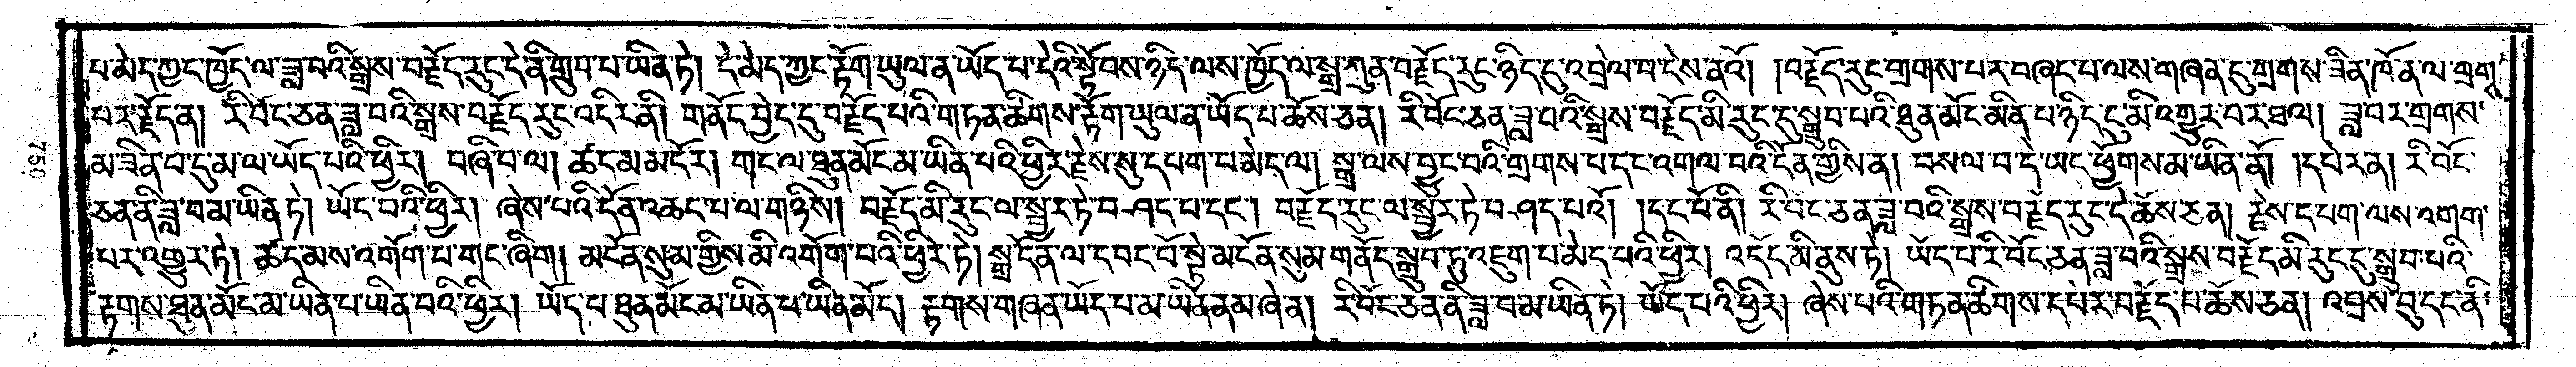པ་མེད་ཀྱང་ཁྱོད་ལ་ཟླ་བའི་སྒྲས་བརྗོད་རུང་དེ་ནི་གྲུབ་པ་ཡིན་ཏེ། དེ་མེད་ཀྱང་རྟོག་ཡུལ་ན་ཡོད་པ་དེའི་སྟོབས་ཉིད་ལས་ཁྱོད་ལ་སྒྲ་ཀུན་བརྗོད་རུང་ཉིད་དུ་འབྲེལ་བ་ངེས་ནའོ། །བརྗོད་རུང་གྲགས་པར་བཞད་པ་ལས་གཞན་དུ་གྲགས་ཟིན་ཁོ་ན་ལ་གྲགས་
པར་རྗོད་ན། རི་བོང་ཅན་ཟླ་བའི་སྒྲས་བརྗོད་རུང་འདིར་ནི། གནོད་བྱེད་དུ་བརྗོད་པའི་གཏན་ཚིགས་རྟོག་ཡུལ་ན་ཡོད་པ་ཆོས་ཅན། རི་བོང་ཅན་ཟླ་བའི་སྒྲས་བརྗོད་མི་རུང་དུ་སྒྲུབ་པའི་ཐུན་མོང་མིན་པ་ཉིད་དུ་མི་འགྱུར་བར་ཐལ། ཟླ་བར་གྲགས་
མ་ཟིན་པ་དུ་མ་ལ་ཡོད་པའི་ཕྱིར། བཞི་བ་ལ། ཚད་མ་མདོར། གང་ལ་ཐུན་མོང་མ་ཡིན་པའི་ཕྱིར་རྗེས་སུ་དཔག་པ་མེད་ལ། སྒྲ་ལས་བྱུང་བའི་གྲགས་པ་དང་འགལ་བའི་དོན་གྱིས་ན། བསལ་བ་དེ་ཡང་ཕྱོགས་མ་ཡིན་ནོ། །དཔེར་ན། རི་བོང་
ཅན་ནི་ཟླ་བ་མ་ཡིན་ཏེ། ཡོང་བའི་ཕྱིར། ཞེས་པའི་དོན་འཆང་པ་ལ་གཉིས། བརྗོད་མི་རུང་ལ་སྦྱར་ཏེ་བཤད་པ་དང་། བརྗོད་རུང་ལ་སྦྱར་ཏེ་བཤད་པའོ། །དང་པོ་ནི། རི་བོང་ཅན་ཟླ་བའི་སྒྲས་བརྗོད་རུང་དེ་ཆོས་ཅན། རྗེས་དཔག་ལས་འགག་
པར་འགྱུར་ཏེ། ཚད་མས་འགོག་པ་གང་ཞིག། མངོན་སུམ་གྱིས་མི་འགོག་པའི་ཕྱིར་ཏེ། སྒྲ་དོན་ལ་དབང་པོ་སྟེ་མངོན་སུམ་གནོད་སྒྲུབ་ཏུ་འཇུག་པ་མེད་པའི་ཕྱིར། འདོད་མི་ནུས་ཏེ། ཡོད་པ་རི་བོང་ཅན་ཟླ་བའི་སྒྲས་བརྗོད་མི་རུང་དུ་སྒྲུབ་པའི་
རྟགས་ཐུན་མོང་མ་ཡིན་པ་ཡིན་པའི་ཕྱིར། ཡོད་པ་ཐུན་མོང་མ་ཡིན་པ་ཡིན་མོད། རྟགས་གཞན་ཡོད་པ་མ་ཡིན་ནམ་ཞེ་ན། རི་བོང་ཅན་ནི་ཟླ་བ་མ་ཡིན་ཏེ། ཡོད་པའི་ཕྱིར། ཞེས་པའི་གཏན་ཚིགས་དཔེར་བརྗོད་པ་ཆོས་ཅན། འབྲས་བུ་དང་ནི།